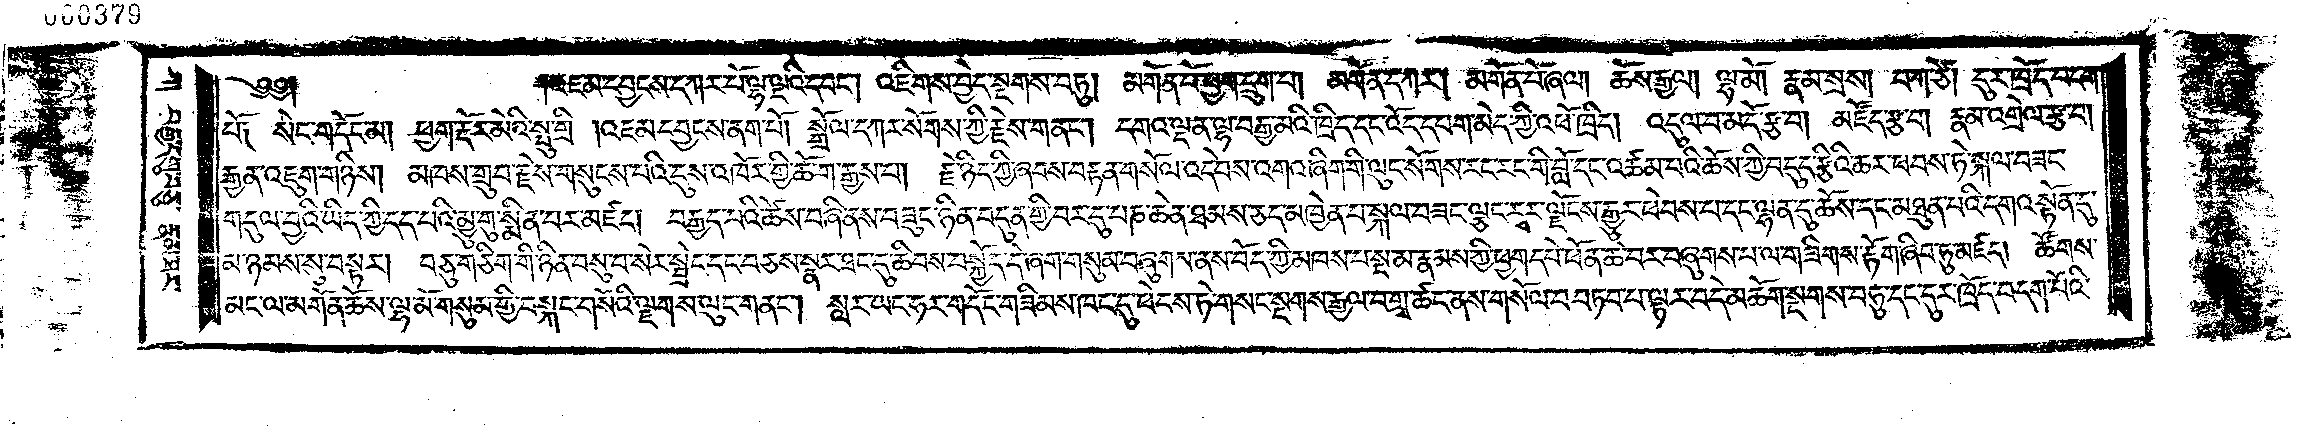༄༅། །འཇམ་དབྱངས་དཀར་པོ་ལྷ་ལྔའི་དབང་། འཇིགས་བྱེད་སྔགས་བཏུ། མགོན་པོ་ཕྱག་དྲུག་པ། མགོན་དཀར། མགོན་པོ་ཞལ། ཆོས་རྒྱལ། ལྷ་མོ། རྣམ་སྲས། བཀ་ཙེ། དུར་ཁྲོད་བདག་
པོ༑ སེང་གདོང་མ། ཕྱག་རྡོར་མེའི་སྤུ་གྲི་།འཇམ་དབྱངས་ནག་པོ། སྒྲོལ་དཀར་སོགས་ཀྱི་རྗེས་གནང་། དགའ་ལྡན་ལྷ་བརྒྱ་མའི་ཁྲིད་དང་འོད་དཔག་མེད་ཀྱི་འཕོ་ཁྲིད། འདུལ་བ་མདོ་རྩ་བ། མཛོད་རྩ་བ། རྣམ་འགྲེལ་རྩ་བ།
རྒྱན་འཇུག་གཉིས། མཁས་གྲུབ་རྗེས་གསུངས་པའི་དུས་འཁོར་གྱི་ཆོག་རྒྱས་པ། རྗེ་ཉིད་ཀྱི་ཞབས་བརྟན་གསོལ་འདེབས་འགའ་ཞིག་གི་ལུང་སོགས་རང་རང་གི་བློ་དང་འཚམ་པའི་ཆོས་ཀྱི་བདུད་རྩིའི་འཆར་ཕབས་ཏེ་སྐལ་བཟང་
གདུལ་བྱའི་ཡིད་ཀྱི་དད་པའི་མྱུ་གུ་སྨིན་པར་མཛད། བརྒྱད་པའི་ཚེས་བཞི་ནས་བཟུང་ཉིན་བདུན་གྱི་བར་དུ་པཎ་ཆེན་ཐམས་ཅད་མཁྱེན་པ་སྐལ་བཟང་ལྕང་རྭར་ལྗོངས་རྒྱུར་ཕེབས་པ་དང་ལྷན་དུ་ཆོས་དང་མཐུན་པའི་དགའ་སྟོན་དུ་
མ་ཉམས་སུ་བསྟར། བཅུ་གཅིག་གི་ཉིན་བསུ་བ་སེར་སྦྲེང་དང་བཅས་སྣར་ཐང་དུ་ཆིབས་བསྐྱོད་དེ་ཞག་གསུམ་བཞུགས་ནས་བོད་ཀྱི་མཁས་པ་སྔ་མ་རྣམས་ཀྱི་ཕྱག་དཔེ་ཕོན་ཆེ་བར་བཞུགས་པ་ལ་གཟིགས་རྟོག་ཞིབ་ཏུ་མཛད། ཚོགས་
མང་ལ་མགོན་ཆོས་ལྷ་མོ་གསུམ་གྱི་བསྐང་གསོའི་ལྗགས་ལུང་གནང་། སླར་ཡང་ཧར་གདོང་གཟིམས་ཁང་དུ་ཕེངས་ཏེ་གསང་སྔགས་རྒྱལ་བ་གྲྭ་ཚང་ནས་གསོལ་བ་བཏབ་པ་ལྟར་བདེ་མཆོག་སྔགས་བཏུ་དང་དུར་ཁྲོད་བདག་པོའི་